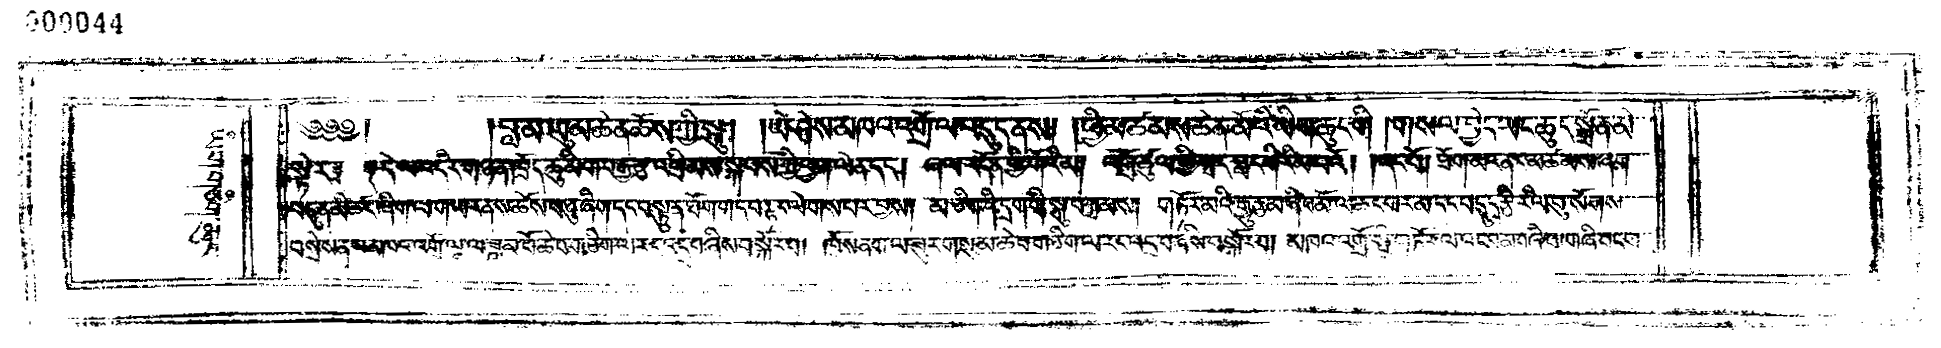༄༅༅། །བླ་མ་ཡུམ་ཆེན་ཆོས་ཀྱི་སྐུ། །ཡེ་ཤེས་མཁའ་འགྲོ་ལ་འདུད་ནས། །ཕྱི་མཚམས་ཆེན་མོའི་ཡིག་ཆུང་གི །གསལ་བྱེད་ཡང་ཆུང་སྒྲོན་མེ་
སྟེར༑ ༑དེ་ལ་འདིར་གཉན་ཁྲོད་ཆུ་མིག་བརྒྱ་རྩ་འགྲིམས་སྐབས་ཀྱི་ཕྱག་ལེན་དང་། ཞལ་འདོན་གྱི་གོ་རིམ། འགྲོ་ཚུལ་གྱི་སྤང་བླང་གི་རིམ་པའོ། །དང་པོ། ཐོག་མར་ནང་མཚམས་ཞག་
བདུན་མི་ཚང་ཞིག་ལ་གཡར་ནས་ཚེས་བཅུ་ཞིག་དང་བསྟུན་ཐོག་གང་བརྟར་ལེགས་པར་བྱས། མ་ཅིག་ཞི་དྲག་གི་སྐུ་བཀྲམས། གཏོར་མའི་རྒྱུ་རྩམ་ཞིབ་མོ་ལ་ཆང་གར་མ་དང་བདུད་རྩི་རིལ་བུ་སོགས་
བསྲེས་ནས་མཁའ་འགྲོ་ལྔ་ལ་ཟླུམ་པོ་ཆེ་བ་གཅིག་ལ་རང་འདྲ་བཞིས་བསྐོར་བ། ཁྲོས་ནག་ལ་ཟུར་གསུམ་ཆེ་བ་གཅིག་ལ་རང་འདྲ་བཞིས་བསྐོར་བ། མཁའ་འགྲོ་སྤྱི་གཏོར་ལ་འདབ་མ་བཞི་བ། གཞི་བདག་